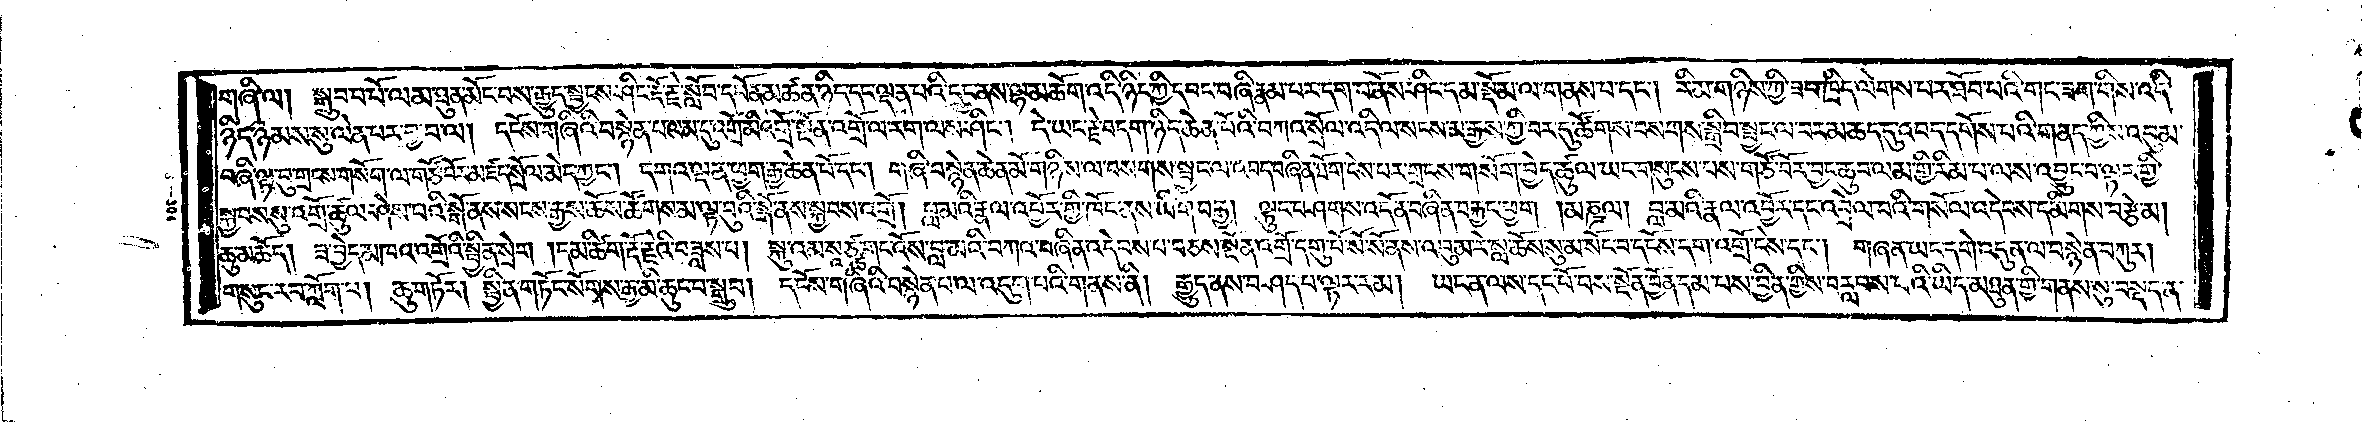གཞི་ལ། སྒྲུབ་བ་པོ་ལམ་ཐུན་མོང་བས་རྒྱུད་སྦྱངས་ཤིང་རྡོ་རྗེ་སློབ་དཔོན་མཚན་ཉིད་དང་ལྡན་པའི་ངང་ནས་ལྷ་མཆོག་འདི་ཉིད་ཀྱི་དབང་བཞི་རྣམ་པར་དག་པ་ནོས་ཤིང་དམ་སྡོམ་ལ་གནས་པ་དང་། རིམ་གཉིས་ཀྱི་ཟབ་ཁྲིད་ལེགས་པར་ཐོབ་པའི་གང་ཟག་གིས་འདི་
ཉིད་ཉམས་སུ་ལེན་པར་བྱ་བ་ལ། དངོས་གཞིའི་བསྙེན་པ་ལམ་དུ་འགྲོ་མི་འགྲོ་སྔོན་འགྲོ་ལ་རག་ལས་ཤིང་། དེ་ཡང་རྗེ་བདག་ཉིད་ཆེན་པོའི་བཀའ་སྲོལ་༑དི་ལ་སངས་མ་རྒྱས་ཀྱི་བར་དུ་ཚོགས་བསགས་སྒྲིབ་སྦྱང་ལ་བར་མ་ཆད་དུ་འབད་དགོས་པའི་གནད་ཀྱིས་འབུམ་
བཞི་ལྟ་བུ་གྲངས་གསོག་ལ་གཙོ་བོར་མཛད་སྲོལ་མེད་ཀྱང་། དགའ་ལྡན་ཕྱག་རྒྱ་ཆེན་པོ་དང་། གཞི་བསྙེན་ཆེན་མོ་གཉིས་ལ་བསགས་སྦྱང་ལ་འབད་བཞིན་ཐོག་ངེས་པར་གྲངས་གསོག་བྱེད་ཚུལ་ཡང་གསུངས་པས་གཙོ་བོར་བྱང་ཆུབ་ལམ་གྱི་རིམ་པ་ལས་འབྱུང་བ་ལྟར་གྱི་
སྐྱབས་སུ་འགྲོ་ཚུལ་ཤེས་པའི་སྒོ་ནས་སངས་རྒྱས་ཆོས་ཚོགས་མ་ལྟ་བུའི་སྒོ་ནས་སྐྱབས་འགྲོ། བླ་མའི་རྣལ་འབྱོར་ཀྱི་ཁོང་ནས་ཡིག་བརྒྱ། ལྟུང་བཤགས་འདོན་བཞིན་བརྐྱང་ཕྱག །མཎྜལ། བླ་མའི་རྣལ་འབྱོར་དང་འབྲེལ་བའི་གསོལ་འདེབས་དམིགས་བརྩེམ།
ཆུ་མཆོད། ཟ་བྱེད་མཁའ་འགྲོའི་སྦྱིན་སྲེག །དམ་ཚིག་རྡོ་རྗེའི་བཟླས་པ། སྐུའམ་སཱཙྪ་གང་འོས་བླ་མའི་བཀའ་བཞིན་འདེབས་པ་བཅས་སྔོན་འགྲོ་དགུ་པོ་སོ་སོ་ནས་འབུམ་རེ་སླ་ཆོས་སུ་མ་སོང་བ་དངོས་དག་འགྲོ་ངེས་དང་། གཞན་ཡང་དགེ་འདུན་ལ་བསྙེན་བཀུར།
གསུང་རབ་ཀློག་པ། ཆུ་གཏོར། སྦྱིན་གཏོང་སོགས་རྒྱ་མི་ཆུང་བ་སྒྲུབ། དངོས་གཞིའི་བསྙེན་པ་ལ་འདུག་པའི་གནས་ནི། རྒྱུད་ནས་བཤད་པ་ལྟར་རམ། ཡང་ན་ལས་དང་པོ་བས་སྔོན་བྱོན་དམ་པས་བྱིན་གྱིས་བརླབས་པའི་ཡིད་མཐུན་གྱི་གནས་སུ་བསྡད་ན་